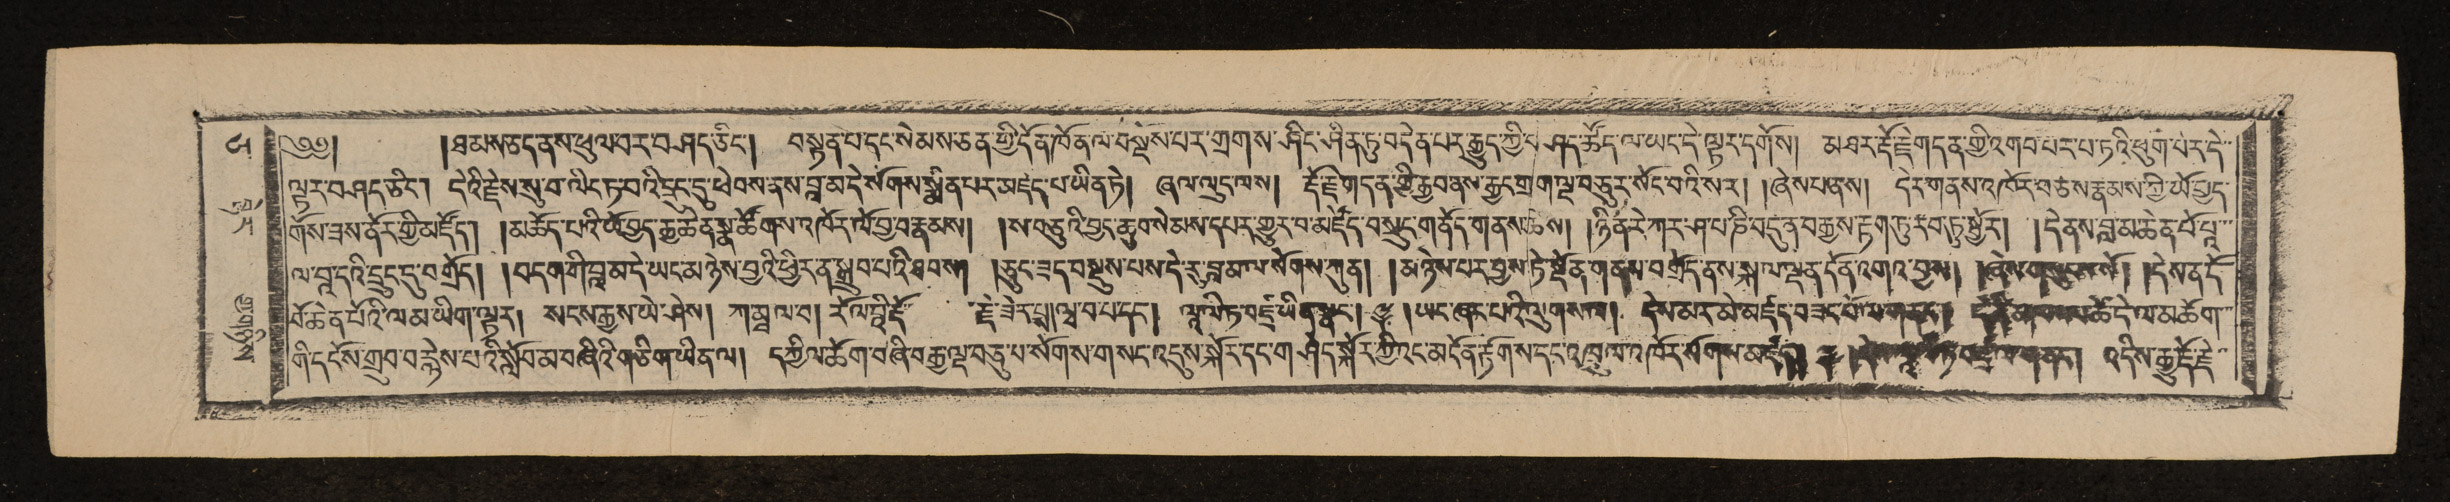༄༅། །ཐམས་ཅད་ནས་ཕུལ་བར་བཤད་ཅིང་། བསྟན་པ་དང་སེམས་ཅན་གྱི་དོན་ཁོ་ན་ལ་བསྡོས་པར་གྲགས་ཤིང་ཤིན་ཏུ་བདེན་པར་རྒྱུད་ཀྱི་བཤད་ཚོད་ལ་ཡང་དེ་ལྟར་དགོས། མཐར་རྡོ་རྗེ་གདན་གྱི་འགབ་པར་པ་ཏའི་ཕུག་པར་ད་
ལྟར་བཤད་ཅིང་། དེའི་རྗེས་སུ་བ་ལིང་ཏ་པའི་དྲུང་དུ་ཕེབས་ནས་བླ་མ་དེ་སོགས་སྨིན་པར་མཛད་པ་ཡིན་ཏེ། ཞལ་ལུང་ལས། རྡོ་རྗེ་གདན་གྱི་རྒྱབ་ནས་རྒྱང་གྲག་ལྔ་བཅུར་སོང་བའི་སར། །ཞེས་པ་ནས། དེར་གནས་འཁོར་བཅས་རྣམས་ཀྱི་ཡོ་བྱད་
གོས་ཟས་ནོར་གྱི་མཛོད། །མཆོད་པའི་ཡོ་བྱད་རྒྱ་ཆེན་སྣ་ཚོགས་འཁོར་ལོ་བྱ་བ་རྣམས། །ས་བཅུའི་བྱང་ཆུབ་སེམས་དཔར་གྱུར་པ་མཛོད་བསྲུང་གནོད་གནས་ཆེས། །ཉིན་རེ་ཀར་ཤ་པ་ཎི་བདུན་བརྒྱས་རྟག་ཏུ་རབ་ཏུ་སྦྱོར། །དེ་ནས་བླ་མ་ཆེན་པོ་པཱ་
ལ་བཱ་དའི་དྲུང་དུ་བགྲོད། །བདག་གི་བླ་མ་དེ་ཡང་མཉེས་བྱའི་ཕྱིར་ན་སྒྲུབ་པའི་ཐབས། །ཅུང་ཟད་བསྡུས་པས་དེ་རུ་བླ་མ་ལ་སོགས་ཀུན། །མཉེས་པར་བྱས་ཏེ་སྔོན་གནས་བགྲོད་ནས་སྐལ་ལྡན་དོན་འགའ་བྱས། །ཞེས་གསུངས་སོ། །དེས་ན་ཇོ་
བོ་ཆེན་པོའི་ལམ་ཡིག་ལྟར། སངས་རྒྱས་ཡེ་ཤེས། ཀམྦ་ལ་པ། རོལ་པའི་རྡོ་རྗེ་ཟེར་བས། ལྭ་བ་པ་དང་། ལཱ་ལི་ཏ་བཛྲ་ཡིན་སྣང་། ༈ །ཡང་ཞང་པའི་ལུགས་ལ། དེས་མར་མེ་མཛད་བཟང་པོ་ལ་གནང་། དེ་ནི་མཁས་པ་ཚེ་དེ་ལ་མཆོག་
གི་དངོས་གྲུབ་བརྙེས་པའི་སློབ་མ་བཞིའི་གཅིག་ཡིན་ལ། དཀྱིལ་ཆོག་བཞི་བརྒྱ་ལྔ་བཅུ་པ་སོགས་གསང་འདུས་སྐོར་དང་གཤེད་སྐོར་ཀྱིའང་མངོན་རྟོགས་དང་འཁྲུལ་འཁོར་སོགས་མཛད། ༈ །དེས་ལཱ་ལི་ཏ་བཛྲ་ལ་གནང་། འདིས་རྒྱུ་རྡོ་རྗེ་